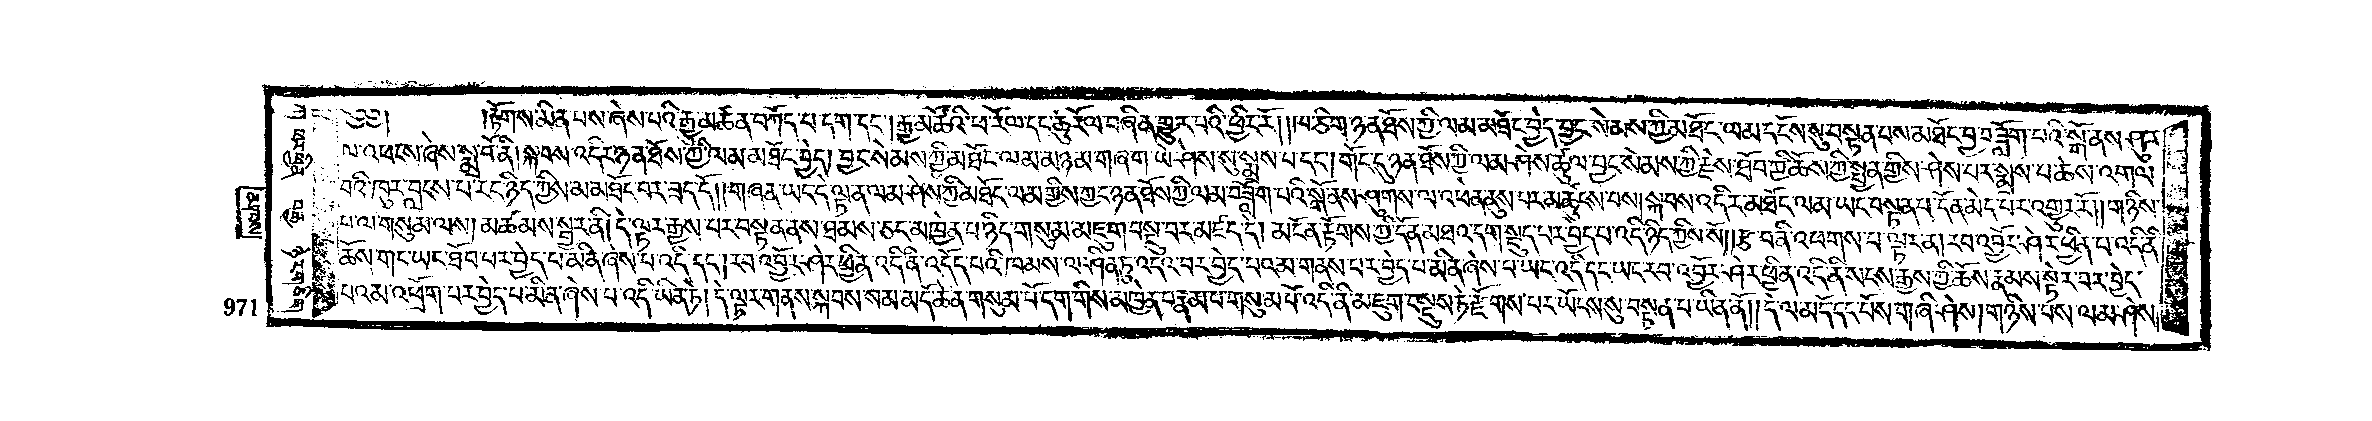༄༅། །རྟོགས་མིན་པས་ཞེས་པའི་རྒྱུ་མཚན་བཀོད་པ་དག་དང་། རྒྱ་མཚོའི་ཕ་རོལ་དང་ཚུ་རོལ་བཞིན་གྱུར་པའི་ཕྱིར་རོ། །ཁ་ཅིག་ཉན་ཐོས་ཀྱི་ལམ་མཐོང་བྱེད་བྱང་སེམས་ཀྱི་མཐོང་ལམ་དངོས་སུ་བསྟན་པས་མཐོང་བྱ་བཟློག་པའི་སྒོ་ནས་ཤུགས་
ལ་འཕངས་ཞེས་སྨྲ་བོ་ནི། སྐབས་འདིར་ཉན་ཐོས་ཀྱི་ལམ་མཐོང་བྱེད། བྱང་སེམས་ཀྱི་མཐོང་ལམ་མཉམ་གཞག་ཡེ་ཤེས་སུ་སྨྲས་པ་དང་། གོང་དུ་ཉན་ཐོས་ཀྱི་ལམ་ཤེས་ཚུལ་བྱང་སེམས་ཀྱི་རྗེས་ཐོབ་ཀྱི་ཆོས་ཀྱི་སྤྱན་གྱིས་ཤེས་པར་སྨྲས་པ་ཆེས་འགལ་
བའི་ཁུར་བླངས་པ་རང་ཉིད་ཀྱིས་མ་མཐོང་བར་ཟད་དོ། །གཞན་ཡང་དེ་ལྟ་ན་ལམ་ཤེས་ཀྱི་མཐོང་ལམ་གྱིས་ཀྱང་ཉན་ཐོས་ཀྱི་ལམ་བཟློག་པའི་སྒོ་ནས་ཤུགས་ལ་འཕེན་ནུས་པར་མཚུངས་པས། སྐབས་འདིར་མཐོང་ལམ་ཡང་བསྟན་པ་དོན་མེད་པར་འགྱུར་རོ། །གཉིས་
པ་ལ་གསུམ་ལས། མཚམས་སྦྱར་ནི། དེ་ལྟར་རྒྱས་པར་བསྟན་ནས་ཐམས་ཅད་མཁྱེན་པ་ཉིད་གསུམ་མཇུག་བསྡུ་བར་མཛད་དེ། མངོན་རྟོགས་ཀྱི་དོན་མཐའ་དག་སྡུད་པར་བྱེད་པ་འདི་ཉིད་ཀྱིས་སོ། །རྩ་བ་ནི་འཕགས་པ་ལྟར་ན། རབ་འབྱོར་ཤེར་ཕྱིན་པ་འདི་ནི་
ཆོས་གང་ཡང་ཐོབ་པར་བྱེད་པ་མིན་ཞེས་པ་འདི་དང་། རབ་འབྱོར་ཤེར་ཕྱིན་འདི་ནི་འདོད་པའི་ཁམས་ལ་ཤིན་ཏུ་འདའ་བར་བྱེད་པའམ་གནས་པར་བྱེད་པ་མིན་ཞེས་པ་ཡང་འདི་དང་ཡང་རབ་འབྱོར་ཤེར་ཕྱིན་འདི་ནི་སངས་རྒྱས་ཀྱི་ཆོས་རྣམས་སྟེར་བར་བྱེད་
པའམ་འཕྲོག་པར་བྱེད་པ་མིན་ཞེས་པ་འདི་ཡིན་ཏེ། དེ་ལྟར་གནས་སྐབས་སམ་མདོ་ཆེན་གསུམ་པོ་དག་གིས་མཁྱེན་པ་རྣམ་པ་གསུམ་པོ་འདི་ནི་མཇུག་བསྡུས་ཏེ་རྫོགས་པར་ཡོངས་སུ་བསྟན་པ་ཡིན་ནོ། །དེ་ལ་མདོ་དང་པོས་གཞི་ཤེས། གཉིས་པས་ལམ་ཤེས་